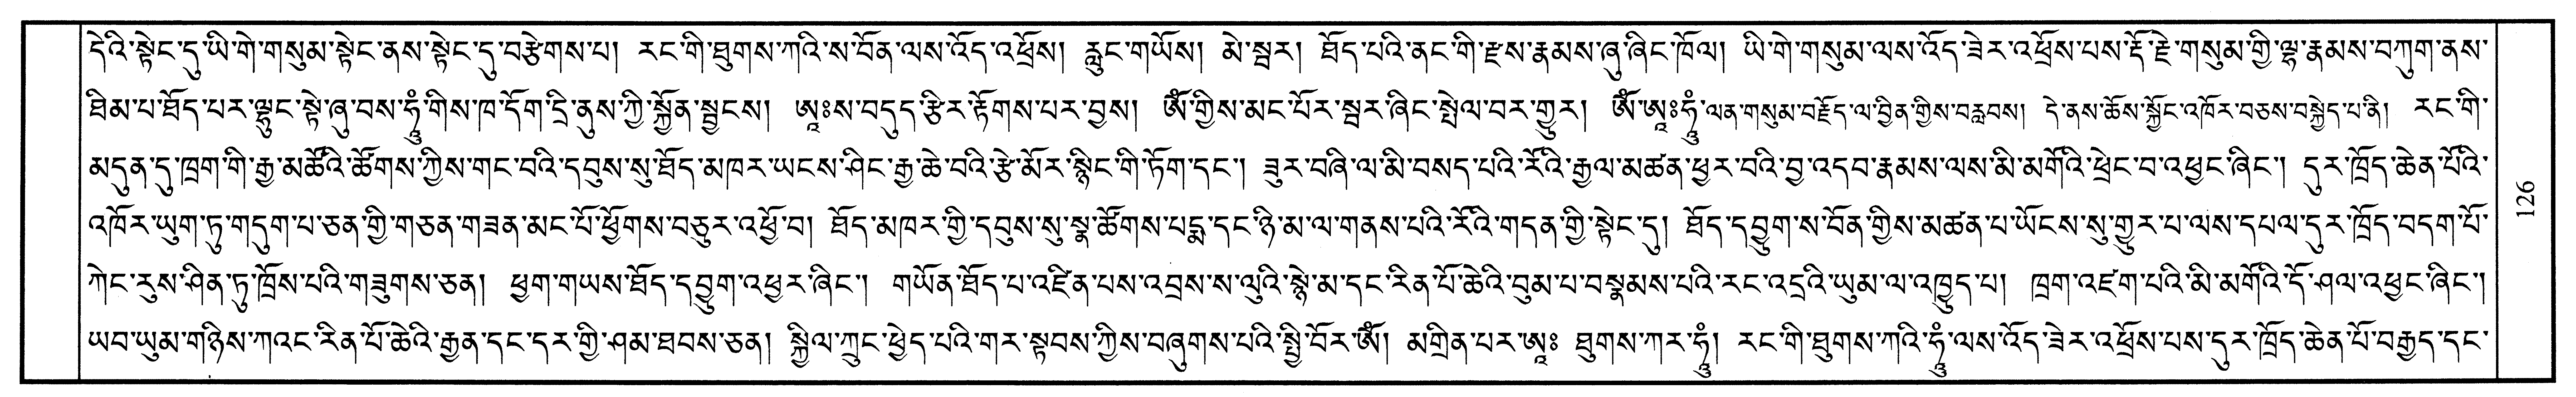དེའི་སྟེང་དུ་ཡི་གེ་གསུམ་སྟེང་ནས་སྟེང་དུ་བརྩེགས་པ། རང་གི་ཐུགས་ཀའི་ས་བོན་ལས་འོད་འཕྲོས། རླུང་གཡོས། མེ་སྦར། ཐོད་པའི་ནང་གི་རྫས་རྣམས་ཞུ་ཞིང་ཁོལ། ཡི་གེ་གསུམ་ལས་འོད་ཟེར་འཕྲོས་པས་རྡོ་རྗེ་གསུམ་གྱི་ལྷ་རྣམས་བཀུག་ནས་
ཐིམ་པ་ཐོད་པར་ལྷུང་སྟེ་ཞུ་བས་ཧཱུཾ་གིས་ཁ་དོག་དྲི་ནུས་ཀྱི་སྐྱོན་སྦྱངས། ཨཱཿ ས་བདུད་རྩིར་རྟོགས་པར་བྱས། ཨོཾ་གྱིས་མང་པོར་སྦར་ཞིང་སྤེལ་བར་གྱུར། ཨོཾ་ཨཱཿ ཧཱུཾ་ལན་གསུམ་བརྗོད་ལ་བྱིན་གྱིས་བརླབས། དེ་ནས་ཆོས་སྐྱོང་འཁོར་བཅས་བསྐྱེད་པ་ནི། རང་གི་
མདུན་དུ་ཁྲག་གི་རྒྱ་མཚོའི་ཚོགས་ཀྱིས་གང་བའི་དབུས་སུ་ཐོད་མཁར་ཡངས་ཤིང་རྒྱ་ཆེ་བའི་རྩེ་མོར་སྙིང་གི་ཏོག་དང་། ཟུར་བཞི་ལ་མི་བསད་པའི་རོའི་རྒྱལ་མཚན་ཕྱར་བའི་བྱ་འདབ་རྣམས་ལས་མི་མགོའི་ཕྲེང་བ་འཕྱང་ཞིང་། དུར་ཁྲོད་ཆེན་པོའི་
འཁོར་ཡུག་ཏུ་གདུག་པ་ཅན་གྱི་གཅན་གཟན་མང་པོ་ཕྱོགས་བཅུར་འཕྱོ་བ། ཐོད་མཁར་གྱི་དབུས་སུ་སྣ་ཚོགས་པདམ་དང་ཉི་མ་ལ་གནས་པའི་རོའི་གདན་གྱི་སྟེང་དུ། ཐོད་དབྱུག་ས་བོན་གྱིས་མཚན་པ་ཡོངས་སུ་གྱུར་པ་ལས་དཔལ་དུར་ཁྲོད་བདག་པོ་
ཀེང་རུས་ཤིན་ཏུ་ཁྲོས་པའི་གཟུགས་ཅན། ཕྱག་གཡས་ཐོད་དབྱུག་འཕྱར་ཞིང་། གཡོན་ཐོད་པ་འཛིན་པས་འབྲས་ས་ལུའི་སྙེ་མ་དང་རིན་པོ་ཆེའི་བུམ་པ་བསྣམས་པའི་རང་འདྲའི་ཡུམ་ལ་འཁྱུད་པ། ཁྲག་འཛག་པའི་མི་མགོའི་དོ་ཤལ་འཕྱང་ཞིང་།
ཡབ་ཡུམ་གཉིས་ཀའང་རིན་པོ་ཆེའི་རྒྱན་དང་དར་གྱི་ཤམ་ཐབས་ཅན། སྐྱིལ་ཀྲུང་ཕྱེད་པའི་གར་སྟབས་ཀྱིས་བཞུགས་པའི་སྤྱི་བོར་ཨོཾ། མགྲིན་པར་ཨཱཿ ཐུགས་ཀར་ཧཱུཾ། རང་གི་ཐུགས་ཀའི་ཧཱུཾ་ལས་འོད་ཟེར་འཕྲོས་པས་དུར་ཁྲོད་ཆེན་པོ་བརྒྱད་དང་